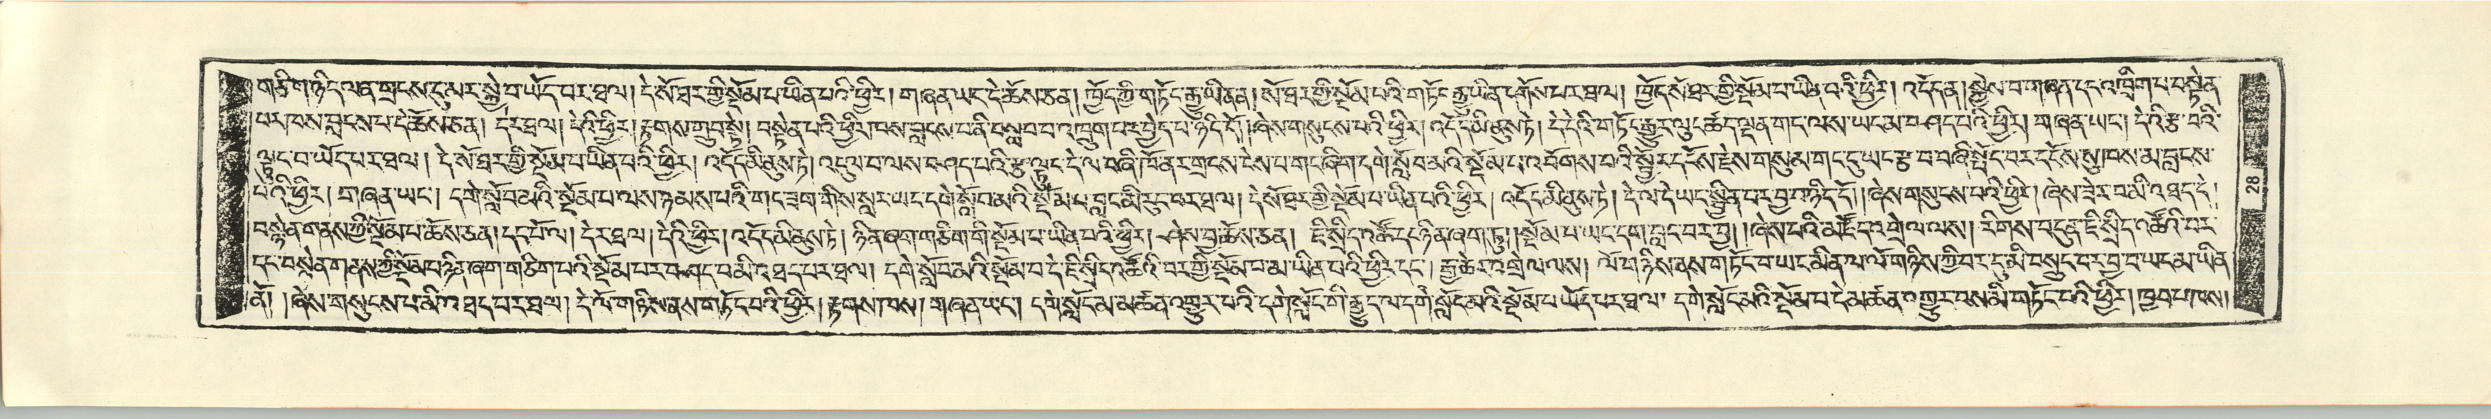གཅིག་ཉིད་ལན་གྲངས་དུ་མར་སྐྱེ་བ་ཡོད་པར་ཐལ། དེ་སོ་ཐར་གྱི་སྡོམ་པ་ཡིན་པའི་ཕྱིར། གཞན་ཡང་དེ་ཆོས་ཅན། ཁྱོད་ཀྱི་གཏོང་རྒྱུ་ཡིན་ན། སོ་ཐར་གྱི་སྡོམ་པའི་གཏོང་རྒྱུ་ཡིན་དགོས་པར་ཐལ། ཁྱོད་སོ་ཐར་གྱི་སྡོམ་པ་ཡིན་པའི་ཕྱིར། འདོད་ན། སྐྱེས་བ་གཞན་དང་འཁྲིག་པ་བསྟེན་
པར་ཁས་བླངས་པ་དེ་ཆོས་ཅན། དེར་ཐལ། དེའི་ཕྱིར། རྟགས་གྲུབ་སྟེ། བསྟེན་པའི་ཕྱིར་ཁས་བླངས་པ་ནི་བསླབ་པ་འཁྲུག་པར་བྱེད་པ་ཉིད་དོ། །ཞེས་གསུངས་པའི་ཕྱིར། འདོད་མི་ནུས་ཏེ། དེ་དེའི་གཏོང་རྒྱུར་ལུང་ཚད་ལྡན་གང་ལས་ཡང་མ་བཤད་པའི་ཕྱིར། གཞན་ཡང་། དེའི་རྩ་བའི་
ལྟུང་བ་ཡོད་པར་ཐལ། དེ་སོ་ཐར་གྱི་སྡོམ་པ་ཡིན་པའི་ཕྱིར། འདོད་མི་ནུས་ཏེ། འདུལ་བ་ལས་བཤད་པའི་རྩ་ལྟུང་དེ་ལ་བཞི་ཁོ་ནར་གྲངས་ངེས་པ་གང་ཞིག་དགེ་སློབ་མའི་སྡོམ་པ་འབོགས་པའི་སྦྱོར་དངོས་རྗེས་གསུམ་གང་དུ་ཡང་རྩ་བ་བཞི་སྤོང་བར་དངོས་སུ་ཁས་མ་བླངས་
པའི་ཕྱིར། གཞན་ཡང་། དགེ་སློབ་མའི་སྡོམ་པ་ལས་ཉམས་པའི་གང་ཟག་གི་སླར་ཡང་དགེ་སློབ་མའི་སྡོམ་པ་བླང་མི་རུང་བར་ཐལ། དེ་སོ་ཐར་གྱི་སྡོམ་པ་ཡིན་པའི་ཕྱིར། འདོད་མི་ནུས་ཏེ། དེ་ལ་དེ་ཡང་སྦྱིན་པར་བྱ་བ་ཉིད་དོ། །ཞེས་གསུངས་པའི་ཕྱིར། ཞེས་ཟེར་བ་མི་འཐད་དེ།
བསྙེན་གནས་ཀྱི་སྡོམ་པ་ཆོས་ཅན། དང་པོ་ལ། དེར་ཐལ། དེའི་ཕྱིར། འདོད་མི་ནུས་ཏེ། ཉིན་ཞག་གཅིག་གི་སྡོམ་པ་ཡིན་པའི་ཕྱིར། ཤེས་བྱ་ཆོས་ཅན། ཇི་སྲིད་འཚོ་དང་ཉིན་ཞག་ཏུ། །སྡོམ་པ་ཡང་དག་བླང་བར་བྱ། །ཞེས་པའི་མཛོད་འགྲེལ་ལས། རིགས་བདུན་ཇི་སྲིད་འཚོའི་བར་
དང་བསྙེན་གནས་ཀྱི་སྡོམ་པ་ཉིན་ཞག་གཅིག་པའི་སྡོམ་པར་བཤད་པ་མི་འཐད་པར་ཐལ། དགེ་སློབ་མའི་སྡོམ་པ་དེ་ཇི་སྲིད་འཚོའི་བར་གྱི་སྡོམ་པ་མ་ཡིན་པའི་ཕྱིར་དང་། རྒྱ་ཆེར་འགྲེལ་ལས། ལོ་གཉིས་ནས་གཏོང་བ་ཡང་མིན་ལ་ལོ་གཉིས་ཀྱི་བར་དུ་མི་བསྲུང་བར་བྱ་བ་ཡང་མ་ཡིན་
ནོ༑ ༑ཞེས་གསུངས་པ་མི་འཐད་པར་ཐལ། དེ་ལོ་གཉིས་ནས་གཏོང་བའི་ཕྱིར། རྟགས་ཁས། གཞན་ཡང་། དགེ་སློང་མ་མཚན་འགྱུར་པའི་དགེ་སློང་གི་རྒྱུད་ལ་དགེ་སློང་མའི་སྡོམ་པ་ཡོད་པར་ཐལ། དགེ་སློང་མའི་སྡོམ་པ་དེ་མཚན་འགྱུར་བས་མི་གཏོང་བའི་ཕྱིར། ཁྱབ་པ་ཁས།